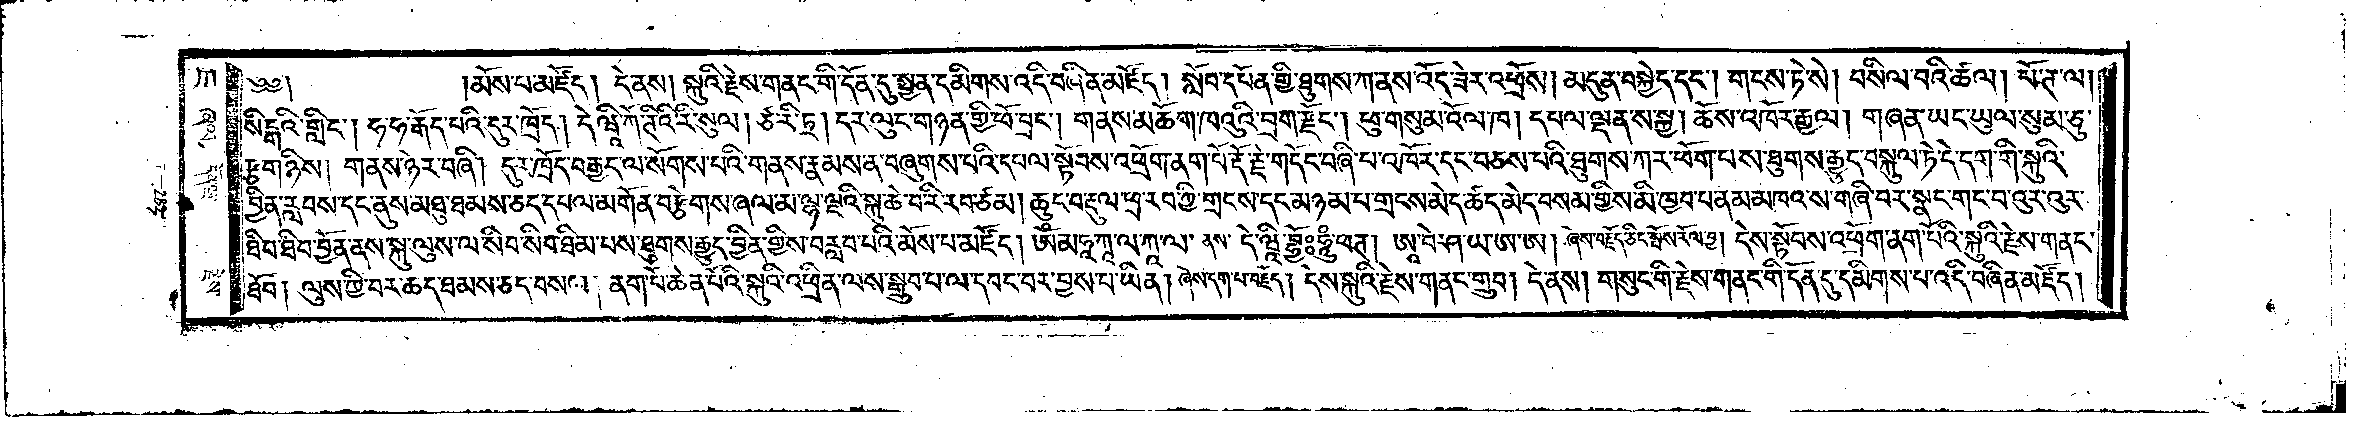༄༅། །མོས་པ་མཛོད། དེ་ནས། སྐུའི་རྗེས་གནང་གི་དོན་དུ་སྤྱན་དམིགས་འདི་བཞིན་མཛོད། སློབ་དཔོན་གྱི་ཐུགས་ཀ་ནས་འོད་ཟེར་འཕྲོས། མདུན་བསྐྱེད་དང་། གངས་ཏེ་སེ། བསིལ་བའི་ཚལ། པོ་ཏ་ལ།
སིངྒའི་གླིང་། ཧ་ཧ་རྒོད་པའི་དུར་ཁྲོད། དེ་ཝཱི་ཀོ་ཊིའི་རི་སུལ། ཙ་རི་ཏྲ། དར་ལུང་གཉན་གྱི་ཕོ་བྲང་། གནས་མཆོག་ཁའུའི་བྲག་རྫོང་། ཕུ་གསུམ་འོལ་ཁ། དཔལ་ལྡན་ས་སྐྱ། ཆོས་འཁོར་རྒྱལ། གཞན་ཡང་ཡུལ་སུམ་ཅུ་
རྩ་གཉིས། གནས་ཉེར་བཞི། དུར་ཁྲོད་བརྒྱད་ལ་སོགས་པའི་གནས་རྣམས་ན་བཞུགས་པའི་དཔལ་སྟོབས་འཕྲོག་ནག་པོ་རྡོ་རྗེ་གདོང་བཞི་པ་འཁོར་དང་བཅས་པའི་ཐུགས་ཀར་ཕོག་པས་ཐུགས་རྒྱུད་བསྐུལ་ཏེ་དེ་དག་གི་སྐུའི་
བྱིན་རླབས་དང་ནུས་མཐུ་ཐམས་ཅད་དཔལ་མགོན་བརྩེགས་ཞལ་མ་ལྷ་ལྔའི་སྐུ་ཆེ་བ་རི་རབ་ཙམ། ཆུང་བ་རྡུལ་ཕྲ་རབ་ཀྱི་གྲངས་དང་མཉམ་པ་གྲངས་མེད་ཚད་མེད་བསམ་གྱིས་མི་ཁྱབ་པ་ནམ་མཁའ་ས་གཞི་བར་སྣང་གང་བ་འུར་འུར་
ཐིབ་ཐིབ་བྱོན་ནས་སྐུ་ལུས་ལ་སིབ་སིབ་ཐིམ་པས་ཐུགས་རྒྱུད་བྱིན་གྱིས་བརླབ་པའི་མོས་པ་མཛོད། ཨོཾ་མཧཱ་ཀཱ་ལ་ཀཱ་ལ་ནས་དེ་ཝཱི་བྷྱོཿ ཧཱུཾ་ཕཊ། ཨཱ་བེ་ཤ་ཡ་ཨ་ཨ། ཞེས་བརྗོད་ཅིང་སྤོས་རོལ་བྱ།  དེས་སྟོབས་འཕྲོག་ནག་པོའི་སྐུའི་རྗེས་གནང་
ཐོབ༑ ལུས་ཀྱི་བར་ཆད་ཐམས་ཅད་བསལ། ནག་པོ་ཆེན་པོའི་སྐུའི་འཕྲིན་ལས་སྒྲུབ་པ་ལ་དབང་བར་བྱས་པ་ཡིན། ཞེས་དག་པ་བརྗོད།  དེས་སྐུའི་གནང་གྲུབ། དེ་ན། གསུང་གི་རྗེས་གནང་གི་དོན་དུ་དམིགས་པ་འདི་བཞིན་མཛོད།།